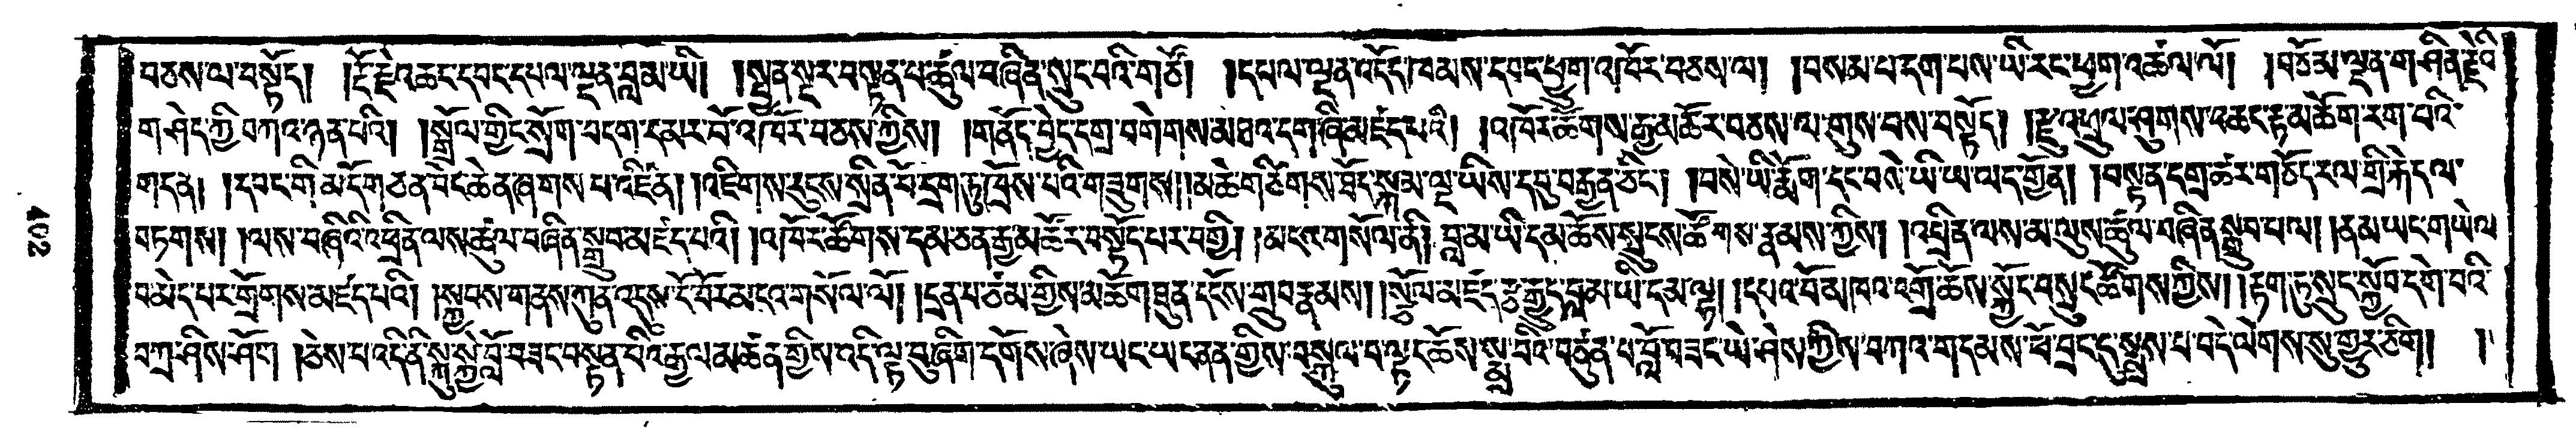བཅས་ལ་བསྟོད། །རྡོ་རྗེ་འཆང་དབང་དཔལ་ལྡན་བླ་མ་ཡི། །སྤྱན་སྔར་བསྟན་པ་ཚུལ་བཞིན་སྲུང་བའི་གཙོ། །དཔལ་ལྡན་འདོད་ཁམས་དབང་ཕྱུག་འཁོར་བཅས་ལ། །བསམ་པ་དག་པས་ཡི་རང་ཕྱག་འཚལ་ལོ། །བཅོམ་ལྡན་གཤིན་རྗེའི་
གཤེད་ཀྱི་བཀའ་ཉན་པའི། །སྒྲོལ་གྱིང་སྲོག་བདག་དམར་པོ་འཁོར་བཅས་ཀྱིས། །གནོད་བྱེད་དགྲ་བགེགས་མཐའ་དག་ཞི་མཛད་པའི། །འཁོར་ཆོགས་རྒྱ་མཚོར་བཅས་ལ་གུས་བས་བསྟོད། །རྫུ་འཕྲུལ་ཤུགས་འཆང་རྟ་མཆོག་རག་པའི་
གདན། །དབང་གི་མདོག་ཅན་བེང་ཆེན་ཞགས་པ་འཛིན། །འཇིགས་རུངས་སྲིན་པོ་དྲག་ཏུ་ཁྲོས་པའི་གཟུགས། །མཆེ་གཙིགས་ཐོད་སྐམ་ལྡ་ཡིས་དབུ་བརྒྱན་ཅིང་། །བསེ་ཡི་རྨོག་དང་བསེ་ཡི་ཡ་ལད་གྱོན། །བསྟན་དགྲ་ཚར་གཅོད་རལ་གྲི་རྐེད་ལ་
བཏགས། །ལས་བཞིའི་འཕྲིན་ལས་ཚུལ་བཞིན་སྒྲུབ་མཛད་པའི། །འཁོར་ཚོགས་དམ་ཅན་རྒྱ་མཚོར་བསྟོད་པར་བགྱི། །མངའ་གསོལ་ནི། བླ་མ་ཡི་དམ་ཆོས་སྲུངས་ཚོགས་རྣམས་ཀྱིས། །འཕྲིན་ལས་མ་ལུས་ཚུལ་བཞིན་སྒྲུབ་པ་ལ། །ནམ་ཡང་གཡེལ་
བ་མེད་པར་གྲོགས་མཛད་པའི། །སྐྱབས་གནས་ཀུན་འདུས་ངོ་བོར་མངའ་གསོལ་ལོ། །དྲན་པ་ཙམ་གྱིས་མཆོག་ཐུན་དངོས་གྲུབ་རྣམས། །སྩོལ་མཛད་རྩ་རྒྱུད་བླ་མ་ཡི་དམ་ལྷ། །དཔའ་བོ་མཁའ་འགྲོ་ཆོས་སྐྱོང་བསྲུང་ཚོགས་ཀྱིས། །རྟག་ཏུ་སྲུང་སྐྱོབ་དགེ་བའི་
བཀྲ་ཤིས་ཤོག །ཅེས་པ་འདི་ནི་སྐུ་སྐྱེ་བློ་བཟང་བསྟན་པའི་རྒྱལ་མཚན་གྱིས་འདི་ལྟ་བུ་ཞིག་དགོས་ཞེས་ཡང་ཡང་ནན་གྱིས་བསྐུལ་བ་ལྟང་ཆོས་སྨྲ་བའི་བཙུན་པ་བློ་བཟང་ཡེ་ཤེས་ཀྱིས་བཀའ་གདམས་ཕོ་བྲང་དུ་སྨྲས་པ་བདེ་ལེགས་སུ་གྱུར་ཅིག། །